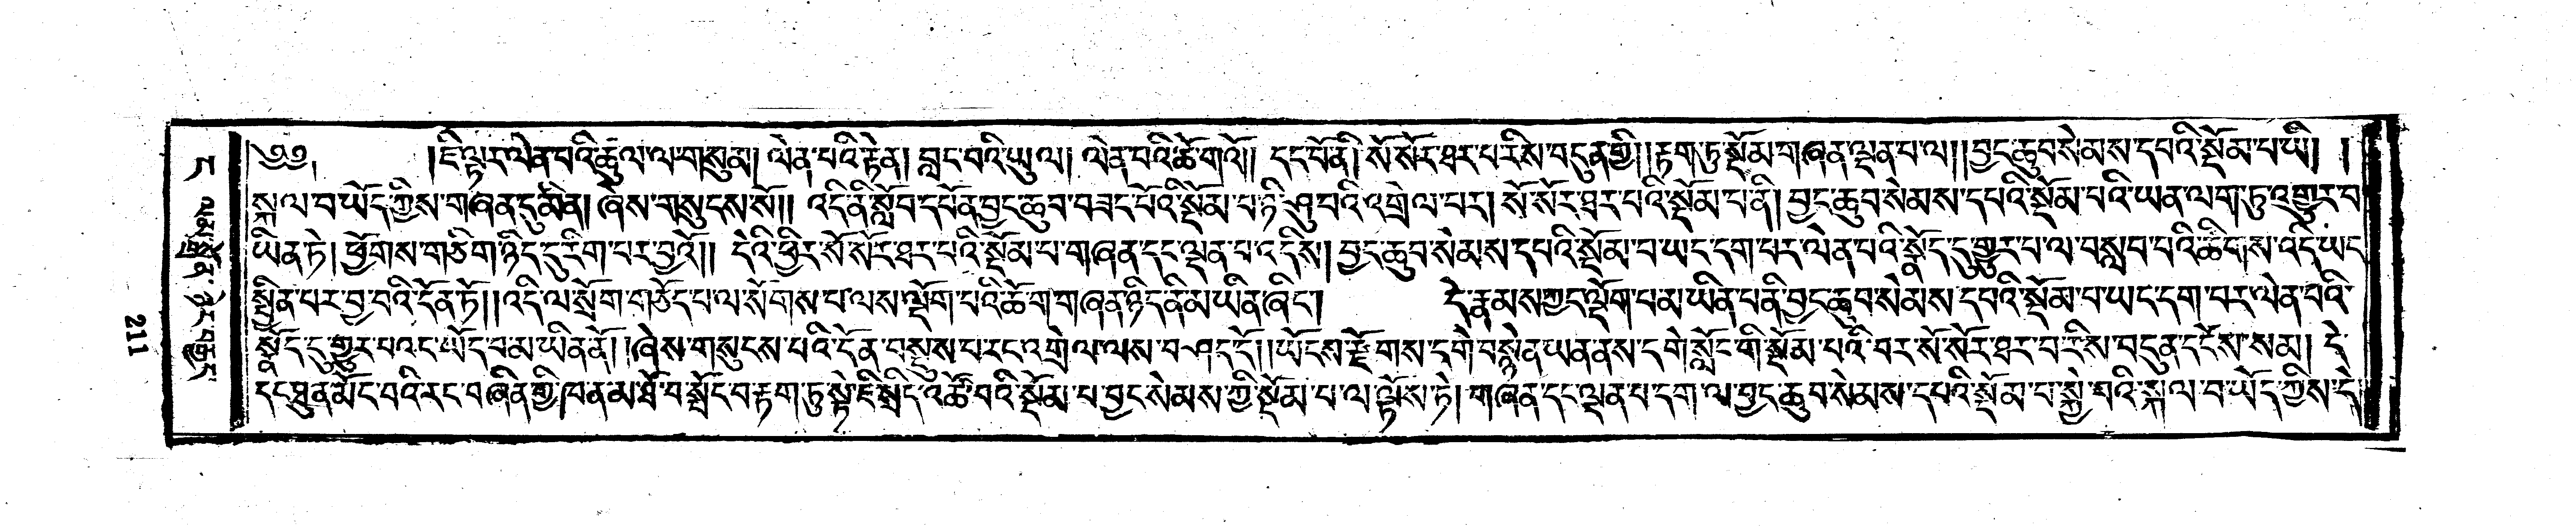༄༅། །ཇི་ལྟར་ལེན་པའི་ཚུལ་ལ་གསུམ། ལེན་པའི་རྟེན། བླང་བའི་ཡུལ། ལེན་པའི་ཆོ་གའོ། །དང་པོ་ནི། སོ་སོར་ཐར་པ་རིས་བདུན་གྱི། །རྟག་ཏུ་སྡོམ་གཞན་ལྡན་པ་ལ། །བྱང་ཆུབ་སེམས་དཔའི་སྡོམ་པ་ཡི། །
སྐལ་པ་ཡོད་ཀྱིས་གཞན་དུ་མིན། ཞེས་གསུངས་སོ། །འདི་ནི་སློབ་དཔོན་བྱང་ཆུབ་བཟང་པོའི་སྡོམ་པ་ཉི་ཤུ་པའི་འགྲེལ་པར། སོ་སོར་ཐར་པའི་སྡོམ་པ་ནི། བྱང་ཆུབ་སེམས་དཔའི་སྡོམ་པའི་ཡན་ལག་ཏུ་འགྱུར་པ་
ཡིན་ཏེ། ཕྱོགས་གཅིག་ཉིད་དུ་རིག་པར་བྱའོ། །དེའི་ཕྱིར་སོ་སོར་ཐར་པའི་སྡོམ་པ་གཞན་དང་ལྡན་པ་འདིས། བྱང་ཆུབ་སེམས་དཔའི་སྡོམ་པ་ཡང་དག་པར་ལེན་པའི་སྣོད་དུ་གྱུར་པ་ལ་བསླབ་པའི་ཚིགས་འདི་ཡང་
སྦྱིན་པར་བྱ་བའི་དོན་ཏོ། །འདི་ལ་སྲོག་གཅོད་པ་ལ་སོགས་པ་ལས་ལྡོག་པའི་ཆོ་ག་གཞན་ཉིད་ནི་མ་ཡིན་ཞིང་། དེ་རྣམས་ཀྱང་ལྡོག་པ་མ་ཡིན་པ་ནི་བྱང་ཆུབ་སེམས་དཔའི་སྡོམ་པ་ཡང་དག་པར་ལེན་པའི་
སྣོད་དུ་གྱུར་པའང་ཡོད་པ་མ་ཡིན་ནོ། །ཞེས་གསུངས་པའི་དོན་བསྡུས་པ་རང་འགྲེལ་ལས་བཤད་དོ། །ཡོངས་རྫོགས་དགེ་བསྙེན་ཡན་ནས་དགེ་སློང་གི་སྡོམ་པའི་བར་སོ་སོར་ཐར་པ་རིས་བདུན་དངོས་སམ། དེ་
དང་ཐུན་མོང་པའི་རང་བཞིན་གྱི་ཁ་ན་མ་ཐོ་བ་སྤོང་བ་རྟག་ཏུ་སྟེ་ཇི་སྲིད་འཚོ་བའི་སྡོམ་པ་བྱང་སེམས་ཀྱི་སྡོམ་པ་ལ་ལྟོས་ཏེ། གཞན་དང་ལྡན་པ་དག་ལ་བྱང་ཆུབ་སེམས་དཔའི་སྡོམ་པ་སྐྱེ་བའི་སྐལ་བ་ཡོད་ཀྱིས་དེ་